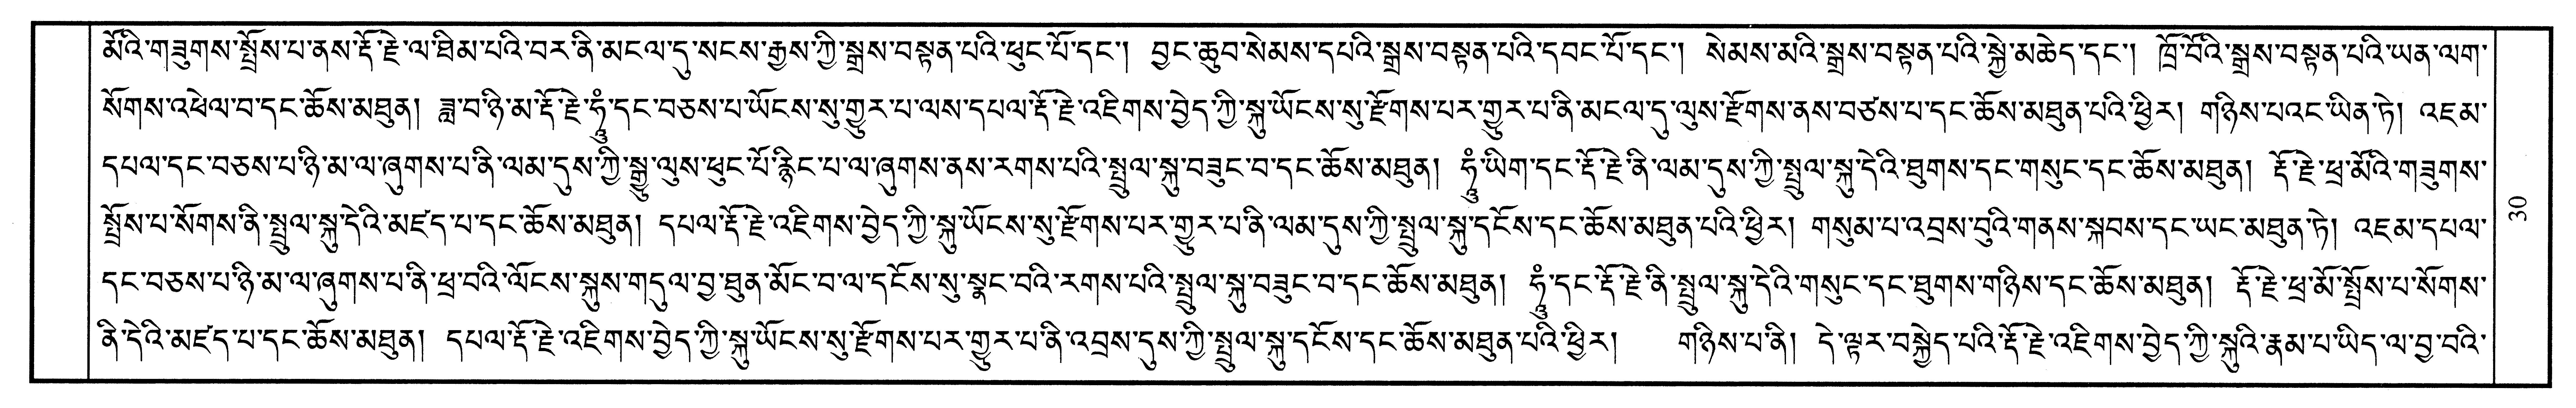མོའི་གཟུགས་སྤྲོས་པ་ནས་རྡོ་རྗེ་ལ་ཐིམ་པའི་བར་ནི་མངལ་དུ་སངས་རྒྱས་ཀྱི་སྒྲས་བསྟན་པའི་ཕུང་པོ་དང་། བྱང་ཆུབ་སེམས་དཔའི་སྒྲས་བསྟན་པའི་དབང་པོ་དང་། སེམས་མའི་སྒྲས་བསྟན་པའི་སྐྱེ་མཆེད་དང་། ཁྲོ་བོའི་སྒྲས་བསྟན་པའི་ཡན་ལག་
སོགས་འཕེལ་བ་དང་ཆོས་མཐུན། ཟླ་བ་ཉི་མ་རྡོ་རྗེ་ཧཱུཾ་དང་བཅས་པ་ཡོངས་སུ་གྱུར་པ་ལས་དཔལ་རྡོ་རྗེ་འཇིགས་བྱེད་ཀྱི་སྐུ་ཡོངས་སུ་རྫོགས་པར་གྱུར་པ་ནི་མངལ་དུ་ལུས་རྫོགས་ནས་བཙས་པ་དང་ཆོས་མཐུན་པའི་ཕྱིར། གཉིས་པའང་ཡིན་ཏེ། འཇམ་
དཔལ་དང་བཅས་པ་ཉི་མ་ལ་ཞུགས་པ་ནི་ལམ་དུས་ཀྱི་སྒྱུ་ལུས་ཕུང་པོ་རྙིང་པ་ལ་ཞུགས་ནས་རགས་པའི་སྤྲུལ་སྐུ་བཟུང་བ་དང་ཆོས་མཐུན། ཧཱུཾ་ཡིག་དང་རྡོ་རྗེ་ནི་ལམ་དུས་ཀྱི་སྤྲུལ་སྐུ་དེའི་ཐུགས་དང་གསུང་དང་ཆོས་མཐུན། རྡོ་རྗེ་ཕྲ་མོའི་གཟུགས་
སྤྲོས་པ་སོགས་ནི་སྤྲུལ་སྐུ་དེའི་མཛད་པ་དང་ཆོས་མཐུན། དཔལ་རྡོ་རྗེ་འཇིགས་བྱེད་ཀྱི་སྐུ་ཡོངས་སུ་རྫོགས་པར་གྱུར་པ་ནི་ལམ་དུས་ཀྱི་སྤྲུལ་སྐུ་དངོས་དང་ཆོས་མཐུན་པའི་ཕྱིར། གསུམ་པ་འབྲས་བུ་གནས་སྐབས་དང་ཡང་མཐུན་ཏེ། འཇམ་དཔལ་
དང་བཅས་པ་ཉི་མ་ལ་ཞུགས་པ་ནི་ཕྲ་བའི་ལོངས་སྐུས་གདུལ་བྱ་ཐུན་མོང་བ་ལ་དངོས་སུ་སྣང་བའི་རགས་པའི་སྤྲུལ་སྐུ་བཟུང་བ་དང་ཆོས་མཐུན། ཧཱུཾ་དང་རྡོ་རྗེ་ནི་སྤྲུལ་སྐུ་དེའི་གསུང་དང་ཐུགས་གཉིས་དང་ཆོས་མཐུན། རྡོ་རྗེ་ཕྲ་མོ་སྤྲོས་པ་སོགས་
ནི་དེའི་མཛད་པ་དང་ཆོས་མཐུན། དཔལ་རྡོ་རྗེ་འཇིགས་བྱེད་ཀྱི་སྐུ་ཡོངས་སུ་རྫོགས་པར་གྱུར་པ་ནི་འབྲས་དུས་ཀྱི་སྤྲུལ་སྐུ་དངོས་དང་ཆོས་མཐུན་པའི་ཕྱིར། གཉིས་པ་ནི། དེ་ལྟར་བསྐྱེད་པའི་རྡོ་རྗེ་འཇིགས་བྱེད་ཀྱི་སྐུའི་རྣམ་པ་ཡིད་ལ་བྱ་བའི་